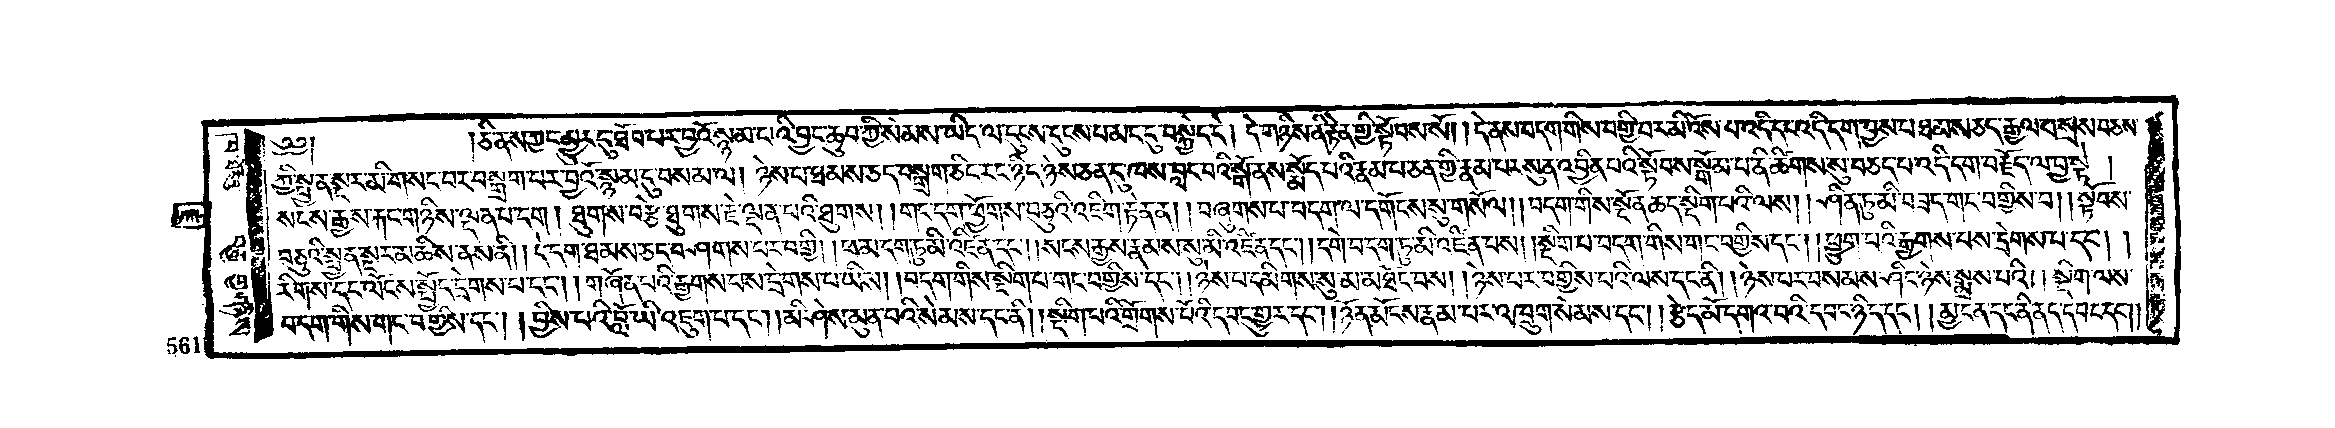༄༅། །ཅི་ནས་ཀྱང་མྱུར་དུ་ཐོབ་པར་བྱའོ་སྙམ་པའི་བྱང་ཆུབ་ཀྱི་སེམས་ཡིད་ལ་དུངས་དུངས་པ་མང་དུ་བསྐྱེད་དེ། དེ་གཉིས་ནི་རྟེན་གྱི་སྟོབས་སོ། །དེ་ནས་བདག་གིས་བགྱི་བར་མི་འོས་པ་འདི་དང་འདི་དག་བྱས་པ་ཐམས་ཅད་རྒྱལ་བ་སྲས་བཅས་
ཀྱི་སྤྱན་སྔར་མི་གསང་བར་བསྒྲག་པར་བྱའོ་སྙམ་དུ་བསམ་ལ། ཉེས་པ་ཐམས་ཅད་བསྒྲག་ཅིང་རང་ཉིད་ཉེས་ཅན་དུ་ཁས་བླང་བའི་སྒོ་ནས་སྨོད་པའི་རྣམ་པ་ཅན་གྱི་རྣམ་པར་སུན་འབྱིན་པའི་སྟོབས་སྒོམ་པ་ནི་ཚིགས་སུ་བཅད་པ་འདི་དག་བརྗོད་ལ་བྱ་སྟེ།
སངས་རྒྱས་རྐང་གཉིས་ལྡན་པ་དག །ཐུགས་བརྩེ་ཐུགས་རྗེ་ལྡན་པའི་ཐུགས། །གང་དག་ཕྱོགས་བཅུའི་འཇིག་རྟེན་ན། །བཞུགས་པ་བདག་ལ་དགོངས་སུ་གསོལ། །བདག་གིས་སྔོན་ཆད་སྡིག་པའི་ལས། །ཤིན་ཏུ་མི་བཟད་གང་བགྱིས་པ། །སྟོབས་
བཅུའི་སྤྱན་སྔར་མཆིས་ནས་ནི། །དེ་དག་ཐམས་ཅད་བཤགས་པར་བགྱི། །ཕ་མ་དག་ཏུ་མི་འཛིན་དང་། །སངས་རྒྱས་རྣམས་སུ་མི་འཛིན་དང་། །དགེ་བ་དག་ཏུ་མི་འཛིན་པས། །སྡིག་པ་བདག་གིས་གང་བགྱིས་དང་། །ཕྱུག་པའི་རྒྱགས་པས་དྲེགས་པ་དང་། །
རིགས་དང་ལོངས་སྤྱོད་དྲེགས་པ་དང་། །གཞོན་པའི་རྒྱགས་པས་དྲེགས་པ་ཡིས། །བདག་གིས་སྡིག་པ་གང་བགྱིས་དང་། །ཉེས་པ་དམིགས་སུ་མ་མཐོང་བས། །ཉེས་པར་བགྱིས་པའི་ལས་དང་ནི། །ཉེས་པར་བསམས་ཤིང་ཉེས་སྨྲས་པའི། །སྡིག་ལས་
བདག་གིས་གང་བགྱིས་དང་། །བྱིས་པའི་བློ་ཡི་འཇུག་པ་དང་། །མི་ཤེས་མུན་པའི་སེམས་དང་ནི། །སྡིག་པའི་གྲོགས་པོའི་དབང་གྱུར་དང་། །ཉོན་མོངས་རྣམ་པར་འཁྲུག་སེམས་དང་། །རྩེད་མོ་དགའ་བའི་དབང་ཉིད་དང་། །མྱ་ངན་དང་ནི་ནད་དབང་དང།།